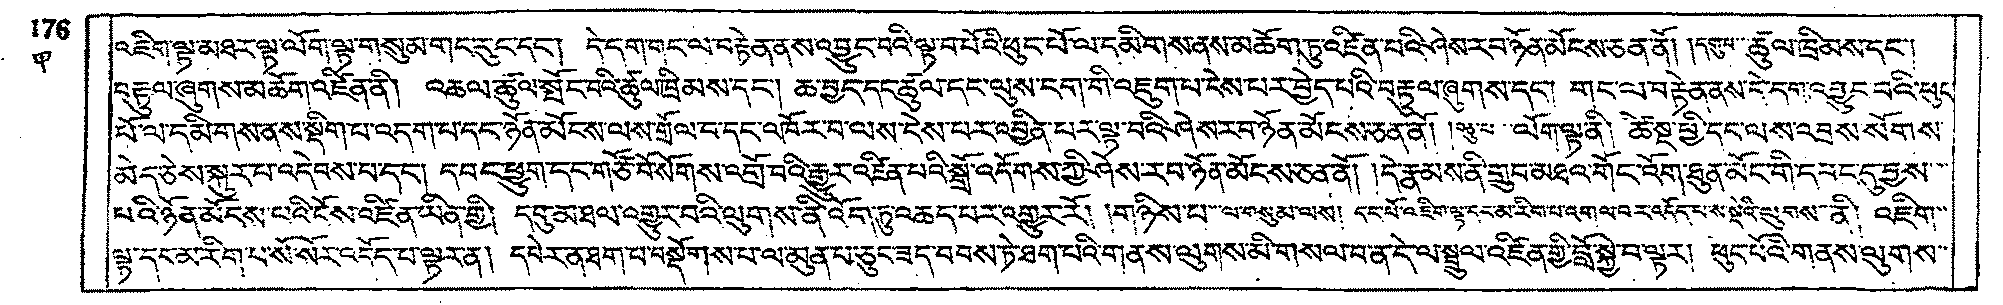འཇིག་ལྟ་མཐར་ལྟ་ལོག་ལྟ་གསུམ་གང་རུང་དང་། དེ་དག་གང་ལ་བརྟེན་ནས་འབྱུང་བའི་ལྟ་བ་པོའི་ཕུང་པོ་ལ་དམིགས་ནས་མཆོག་ཏུ་འཛིན་པའི་ཤེས་རབ་ཉོན་མོངས་ཅན་ནོ། ། དགུ་པཚུལ་ཁྲིམས་དང་།
བརྟུལ་ཞུགས་མཆོག་འཛིན་ནི། འཆལ་ཚུལ་སྤོང་བའི་ཚུལ་ཁྲིམས་དང་། ཆ་བྱང་དང་ཚུལ་དང་ལུས་ངག་གི་འཇུག་པ་ངེས་པར་བྱེད་པའི་བརྟུལ་ཞུགས་དང་། གང་ལ་བརྟེན་ནས་དེ་དག་འབྱུང་བའི་ཕུང་
པོ་ལ་དམིགས་ནས་སྡིག་པ་འདག་པ་དང་ཉོན་མོངས་ལས་གྲོལ་བ་དང་འཁོར་བ་ལས་ངེས་པར་འབྱིན་པར་ལྟ་བའི་ཤེས་རབ་ཉོན་མོངས་ཅན་ནོ། ། བཅུ་པལོག་ལྟ་ནི། ཚེ་སྔ་ཕྱི་དང་ལས་འབྲས་སོགས་
མེད་ཅེས་སྐུར་པ་འདེབས་པ་དང་། དབང་ཕྱུག་དང་གཙོ་བོ་སོགས་འགྲོ་བའི་རྒྱུར་འཛིན་པའི་སྒྲོ་འདོགས་ཀྱི་ཤེས་རབ་ཉོན་མོངས་ཅན་ནོ། །དེ་རྣམས་ནི་གྲུབ་མཐའ་གོང་འོག་ཐུན་མོང་གི་དབང་དུ་བྱས་
པའི་ཉོན་མོངས་པའི་ངོས་འཛིན་ཡིན་གྱི། དབུ་མ་ཐལ་འགྱུར་བའི་ལུགས་ནི་འོག་ཏུ་འཆད་པར་འགྱུར་རོ། །གཉིས་པལ་གསུམ་ལས། དང་པོ་འཇིག་ལྟ་དང་མ་རིག་པ་འགལ་བར་འདོད་པས་སྡེའི་ལུགསནི། འཇིག་
ལྟ་དང་མ་རིག་པ་སོ་སོར་འདོད་པ་ལྟར་ན། དཔེར་ན་ཐག་པ་བསྡོགས་པ་ལ་མུན་པ་ཅུང་ཟད་བབས་ཏེ་ཐག་པའི་གནས་ལུགས་མི་གསལ་བ་ན་དེ་ལ་སྦྲུལ་འཛིན་གྱི་བློ་སྐྱེ་བ་ལྟར། ཕུང་པོའི་གནས་ལུགས་